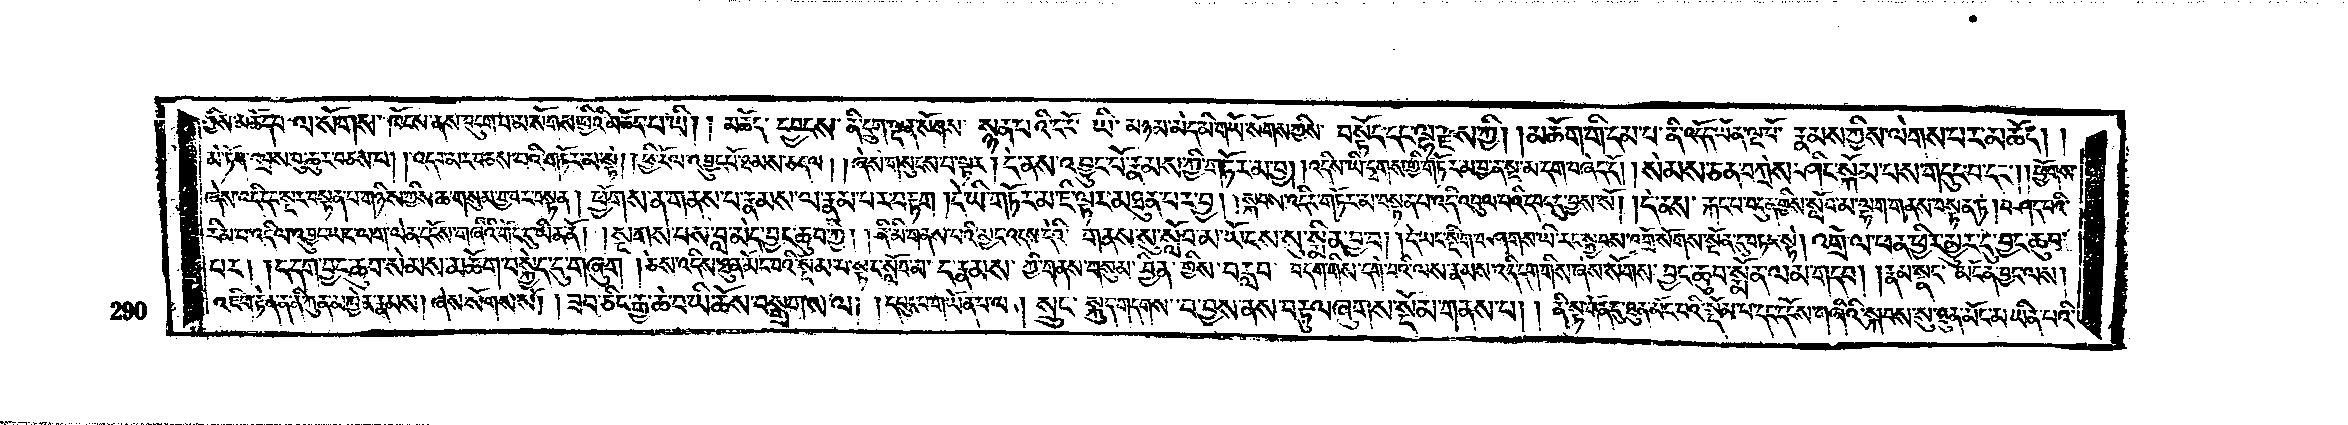ཀྱིས་མཆོད་པ་ལ་སོགས་ཁོངས་ནས་བདུག་པ་མ་སོགས་ཕྱིའི་མཆོད་པ་ཡི། །མཆོད་དབྱངས་ནི་དྲུག་ལྡན་སོགས་སྙན་པའི་ང་རོ་ཡི་མཉམ་མེད་མི་གཡོ་སོགས་ཀྱིས་བསྟོད་དང་ལྷ་རྫས་ཀྱི། །མཆོག་གི་དམ་པ་ནི་འདོད་ཡོན་ལྔ་པོ་རྣམས་ཀྱིས་ལེགས་པར་མཆོད། །
མེ་ཏོག་འབྲས་བུ་ཆུར་བཅས་པ། །འདབ་མར་བཅས་པའི་གཏོར་མ་སྟེ། །ཕྱི་རོལ་འབྱུང་པོ་ཐམས་ཅད་ལ། །ཞེས་གསུངས་པ་ལྟར།  དེ་ནས་འབྱུང་པོ་རྣམས་ཀྱི་གཏོར་མ་བྱ། །འདིས་ཡི་དྭགས་གྱི་གཏོར་མ་བྱ་ན་སྔ་མ་དག་བཞེད་དོ།  །སེམས་ཅན་བཀྲེས་ཤིང་སྐོམ་པས་གདུང་བ་དང་། །ཕྱོགས་
ཞེས་འདི་དང་སྔར་བསྟན་པ་གཉིས་ཀྱིས་ཆ་གསུམ་བྱ་བར་བསྟན། ཕྱོགས་ན་གནས་པ་རྣམས་ལ་རྣམ་པར་བརྟག །དེ་ཡི་གཏོར་མ་ཇི་ལྟར་མཐུན་པར་བྱ། །སྐབས་འདིར་གཏོར་མ་བསྟན་པ་འདི་འབུལ་པའི་དབང་དུ་བྱས་སོ།  །དེ་ནས་རྐང་པ་བདུན་གྱིས་སློབ་མ་ལྷག་གནས་བསྟན་ཏེ། བཤད་པའི་
རིམ་པ་འདི་ལ་འབྱུང་ཡང་ལག་ལེན་དངོས་གཞིའི་གོང་དུ་ཡིན་ནོ། །སྔགས་པས་བླ་མེད་བྱང་ཆུབ་ཀྱི། །ནི་མི་གནས་པའི་མྱང་འདས་དེའི་གནས་སུ་སློབ་མ་ཡོངས་སུ་སྨིན་བྱ་བ། །དེ་ཡང་སྡིག་བཤགས་ཡི་རང་སྐྱབས་འགྲོ་སོགས་སྔོན་དུ་བཏང་སྟེ།  འགྲོ་ལ་ཕན་ཕྱིར་མྱུར་དུ་བྱང་ཆུབ་
པར། །དེ་དག་བྱང་ཆུབ་སེམས་མཆོག་བསྐྱེད་དུ་གཞུག ། ཅེས་འདིས་ཐུན་མོང་བའི་སྡོམ་པ་སྟར་སློབ་མ་དེ་རྣམས་ཀྱི་གནས་གསུམ་བྱིན་གྱིས་བརླབ་བདག་གིས་དགེ་བའི་ལས་རྣམས་འདི་དག་གིས་ཞེས་སོགས་བྱང་ཆུབ་སྨོན་ལམ་གདབ། །རྣམ་སྣང་མངོན་བྱང་ལས།
འཇིག་རྟེན་ན་ནི་ཀུན་མཁྱེན་རྣམས། ཞེས་སོགས་སོ། །ཟབ་ཅིང་རྒྱ་ཆེ་བ་ཡི་ཆེས་བསྒྲགས་ལ། །དཔུང་པ་གཡོན་པ་ལ།  སྲུང་སྐུད་གདགས་བ་བྱས་ནས་བརྟུལ་ཞུགས་སྡོམ་གནས་པ། །ནི་སྟ་གོན་དུ་ཐུན་མོང་པའི་སྡོམ་པ་དང་དངོས་གཞིའི་སྐབས་སུ་ཐུན་མོང་མ་ཡིན་པའི་